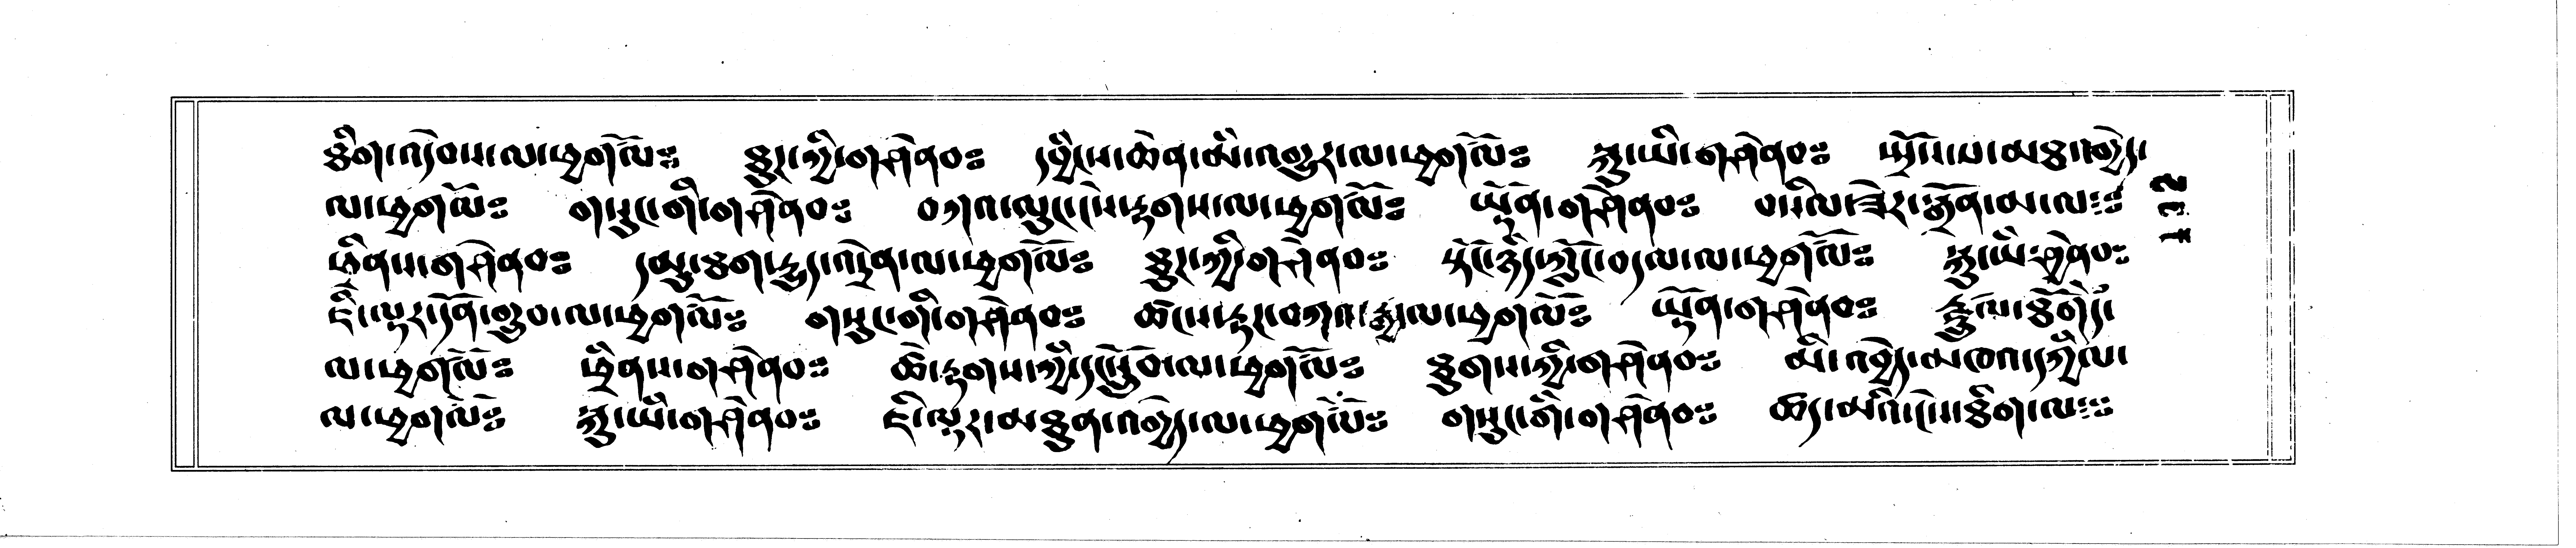ཐིག་འདེབས་ལ་ཕྱག་འཚལ་ལོཿ ཐུགས་ཀྱི་གཤེན་རབཿ དབྱིངས་ཆེན་མི་འགྱུར་ལ་ཕྱག་འཚལ་ལོཿ སྐུ་ཡི་གཤེན་རབཿ སྤྲོས་པ་མཐའ་འགྱེད་
ལ་ཕྱག་འཚལ་ལོཿ གསུང་གི་གཤེན་རབ་ལཿ བཀའ་ལུང་ངེས་རྟགས་ལ་ཕྱག་འཚལ་ལོཿ ཡོན་ཏན་གྱི་གཤེན་རབཿ བསིལ་ཟེར་སྒྲོན་མ་ལ་ཕྱག་འཚལ་ལོཿ
 ཕྲིན་ལས་ཀྱི་གཤེན་རབཿ དམུ་ཐག་རྒྱུད་འདྲེན་ལ་ཕྱག་འཚལ་ལོཿ ཐུགས་ཀྱི་གཤེན་རབཿ སྟོང་ཉིད་ཀློང་བདལ་ལ་ཕྱག་འཚལ་ལོཿ སྐུ་ཡི་གཤེན་རབཿ 
ཇི་ལྟར་དོན་གྲུབ་ལ་ཕྱག་འཚལ་ལོཿ གསུང་གི་གཤེན་རབཿ ཚངས་རྟགས་བཀའ་རྒྱ་ལ་ཕྱག་འཚལ་ལོཿ ཡོན་ཏན་གྱི་གཤེན་རབཿ རྫུ་འཕྲུལ་ཐོག་མེད་
ལ་ཕྱག་འཚལ་ལོཿ ཕྲིན་ལས་ཀྱི་གཤེན་རབཿ ཚེ་རྟགས་ཀྱི་དངོས་གྲུབ་ལ་ཕྱག་འཚལ་ལོཿ ཐུགས་ཀྱི་གཤེན་རབཿ མི་འབྱེད་མཁའ་དཀྱིལ་
ལ་ཕྱག་འཚལ་ལོཿ སྐུ་ཡི་གཤེན་རབཿ ཇི་ལྟར་མཐུན་འགྱེད་ལ་ཕྱག་འཚལ་ལོཿ གསུང་གི་གཤེན་རབ་ལཿ ཚད་མའི་ངེས་ཐིག་ལ་ཕྱག་འཚལ་ལོཿ